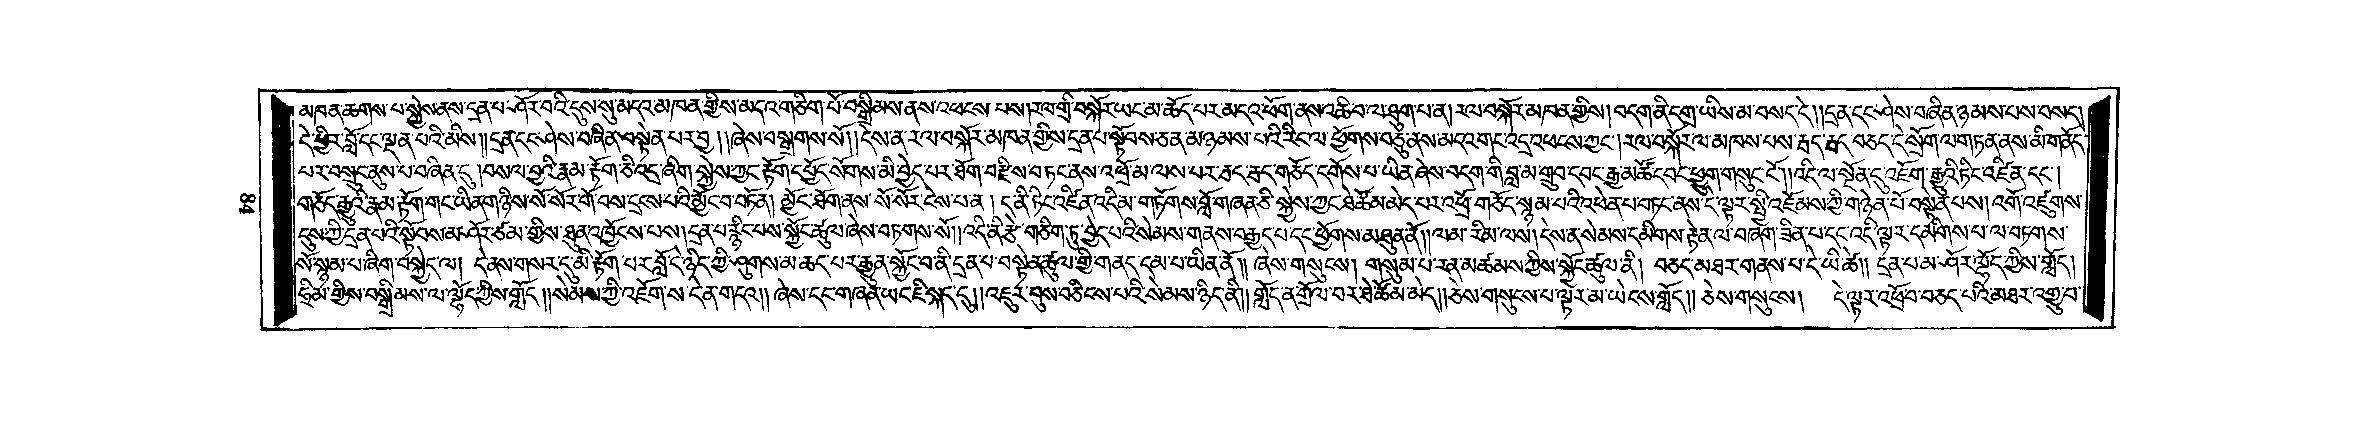མཁན་ཆགས་པ་སྐྱེས་ནས་དྲན་པ་ཤོར་བའི་དུས་སུ་མདའ་མཁན་གྱིས་མདའ་གཅིག་པོ་བསྒྲིམས་ནས་འཕངས་པས། རལ་གྲི་བསྐོར་ཡང་མ་ཆོད་པར་མདའ་ཕོག་ནས་འཆི་བ་ལ་ཐུག་པ་ན། རལ་བསྐོར་མཁན་གྱིས། བདག་ནི་དགྲ་ཡིས་མ་བསད་དེ། །དྲན་དང་ཤེས་བཞིན་ཉམས་པས་བསད།
དེ་ཕྱིར་བློ་དང་ལྡན་པའི་མིས། །དྲན་དང་ཤེས་བཞིན་བསྟེན་པར་བྱ། །ཞེས་བསྒྲགས་སོ། །དེས་ན་རལ་བསྐོར་མཁན་གྱིས་དྲན་པ་སྟོབས་ཅན་མ་ཉམས་པའི་རིང་ལ་ཕྱོགས་བཅུ་ནས་མདའ་གང་འདྲ་འཕངས་ཀྱང་། རལ་བསྐོར་ལ་མཁས་པས་རྦད་རྦད་བཅད་དེ་སྲོག་ལ་གཏན་ནས་མི་གནོད་
པར་བསྲུང་ནུས་པ་བཞིན་དུ། བསལ་བྱའི་རྣམ་རྟོག་ཅི་འདྲ་ཞིག་སྐྱེས་ཀྱང་རྟོག་དཔྱོད་སོགས་མི་བྱེད་པར་ཐོག་བརྫིས་བཏང་ནས་འཕྲོ་མ་ལས་པར་རྦད་རྦད་གཅོད་དགོས་པ་ཡིན་ཞེས་བདག་གི་བླ་མ་གྲུབ་དབང་རྒྱ་མཚོ་དབང་ཕྱུག་གསུང་ངོ། །འདི་ལ་སྔོན་དུ་འཇོག་རྒྱུའི་ཏིང་འཛིན་དང་།
གཅོད་རྒྱུའི་རྣམ་རྟོག་གང་ཡིན་གཉིས་སོ་སོར་གོ་བས་དྲངས་པའི་མྱོང་བ་བཏོན། མྱོང་ཐོག་ནས་སོ་སོར་ངེས་པ་ན། ད་ནི་ཏིང་འཛིན་འདི་མ་གཏོགས་བློ་གཞན་ཅི་སྐྱེས་ཀྱང་ཐེ་ཚོམ་མེད་པར་འཕྲོ་གཅོད་སྙམ་པའི་འཕེན་པ་བཏང་ནས་དེ་ལྟར་སྤྱི་འཇོམས་ཀྱི་གཉེན་པོ་བསྟེན་པས། འགོ་འཛུགས་
དུས་ཀྱི་དྲན་པའི་སྟོབས་མ་ཤོར་ཙམ་གྱིས་ཐུན་འཁྱོངས་པས། དྲན་པ་རྙིང་པས་སྐྱོང་ཚུལ་ཞེས་བཏགས་སོ། །འདི་ནི་རྩེ་གཅིག་ཏུ་བྱེད་པའི་སེམས་གནས་བརྒྱད་པ་དང་ཕྱོགས་མཐུན་ནོ། །ལམ་རིམ་ལས། དེས་ན་སེམས་དམིགས་རྟེན་ལ་བཞག་ཟིན་པ་དང་འདི་ལྟར་དམིགས་པ་ལ་བཏགས་
སོ་སྙམ་པ་ཞིག་བསྐྱེད་ལ། དེ་ནས་གསར་དུ་མི་རྟོག་པར་བློ་དེ་ཉིད་ཀྱི་ཤུགས་མ་ཆད་པར་རྒྱུན་སྐྱོང་བ་ནི་དྲན་པ་བསྟེན་ཚུལ་གྱི་གནད་དམ་པ་ཡིན་ནོ། །ཞེས་གསུངས། གསུམ་པ་རན་མཚམས་ཀྱིས་སྐྱོང་ཚུལ་ནི། བཅད་མཐར་གནས་པ་དེ་ཡི་ཚེ། །དྲན་པ་མ་ཤོར་ལྷོད་ཀྱིས་གློད།
ཧྲིམ་གྱིས་བསྒྲིམས་ལ་ལྷོད་ཀྱིས་གློད། །སེམས་ཀྱི་འཇོག་ས་དེ་ན་གདའ། །ཞེས་དང་གཞན་ཡང་ཇི་སྐད་དུ། །འཇུར་བུས་བཅིངས་པའི་སེམས་ཉིད་ནི། །གློད་ན་གྲོལ་བར་ཐེ་ཚོམ་མེད། །ཅེས་གསུངས་པ་ལྟར་མ་ཡེངས་གློད། །ཅེས་གསུངས། དེ་ལྟར་འཕྲོ་བ་བཅད་པའི་མཐར་འགྱུ་བ་